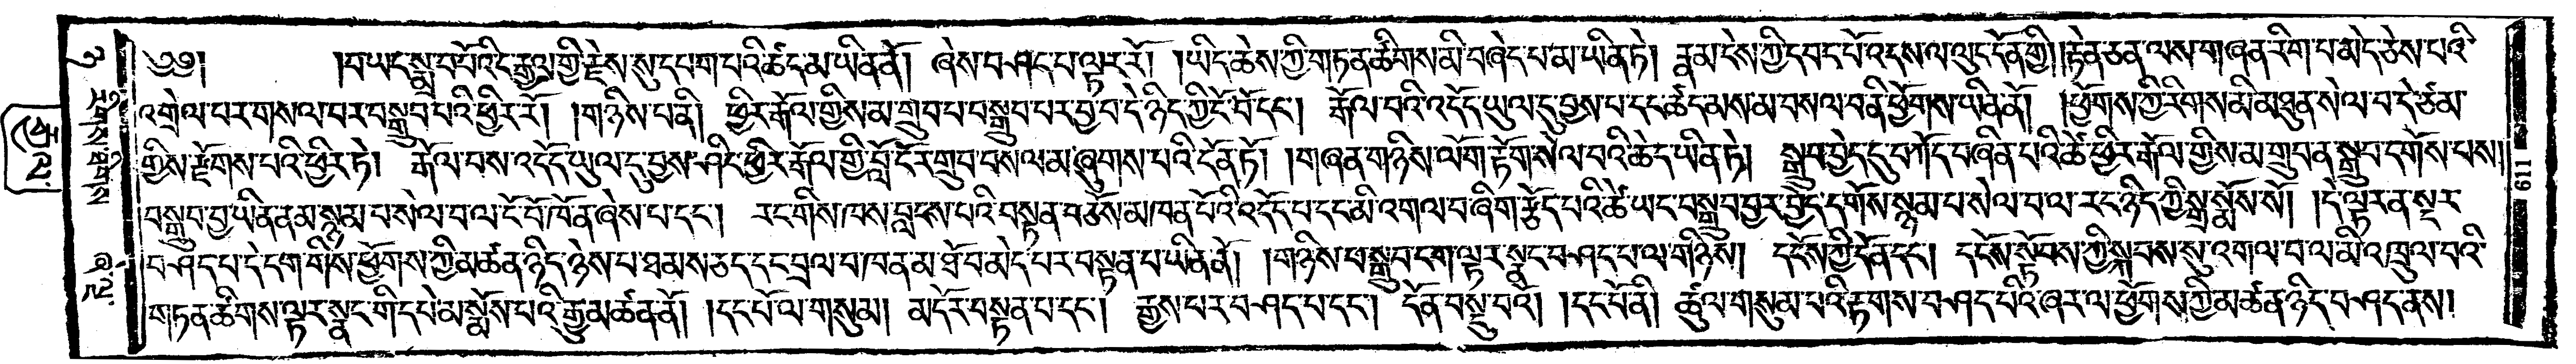༄༅། །བ་ཡང་སྨྲ་བ་པོའི་ང་རྒྱལ་གྱི་རྗེས་སུ་དཔག་པའི་ཚད་མ་ཡིན་ནོ། ཞེས་བཤད་པ་ལྟར་རོ། །ཡིད་ཆེས་ཀྱི་གཏན་ཚིགས་མི་བཞེད་པ་མ་ཡིན་ཏེ། རྣམ་ངེས་ཀྱི་དབང་པོ་འདས་ལ་ལུང་དོན་གྱི། །རྟེན་ཅན་ལས་གཞན་རིག་པ་མེད་ཅེས་པའི་
འགྲེལ་པར་གསལ་བར་བསྒྲུབ་པའི་ཕྱིར་རོ། །གཉིས་པ་ནི། ཕྱིར་རྒོལ་གྱིས་མ་གྲུབ་པར་བྱ་བ་དེ་ཉིད་ཀྱི་ངོ་བོ་དང་། རྒོལ་བའི་འདོད་ཡུལ་དུ་བྱས་པ་དང་ཚད་མས་མ་བསལ་བ་ནི་ཕྱོགས་ཡིན་ནོ། །ཕྱོགས་ཀྱི་རིགས་མི་མཐུན་སེལ་བ་དེ་ཙམ་
གྱིས་རྫོགས་པའི་ཕྱིར་ཏེ། རྒོལ་བས་འདོད་ཡུལ་དུ་བྱས་ཤིང་ཕྱིར་རྒོལ་གྱི་བློ་ངོར་གྲུབ་བསལ་མ་ཞུགས་པའི་དོན་ཏོ། །གཞན་གཉིས་ལོག་རྟོགས་ལ་བའི་ཆེད་ཡིན་ཏེ། སྒྲུབ་བྱེད་དུ་བཀོད་བཞིན་པའི་ཚེ་ཕྱིར་རྒོལ་གྱིས་མ་གྲུབ་ན་སྒྲུབ་དགོས་པས། །
བསྒྲུབ་བྱ་ཡིན་ནམ་སྙམ་པ་སེལ་བ་ལ་ངོ་བོ་ཁོ་ན་ཞེས་པ་དང་། རང་གིས་ཁས་བླངས་པའི་བསྟན་བཅོས་མཁན་པོའི་འདོད་པ་དང་མི་འགལ་བ་ཞིག་རྩོད་པའི་ཚེ་ཡང་བསྒྲུབ་བྱར་བྱེད་དགོས་སྙམ་པ་སེལ་བ་ལ་རང་ཉིད་ཀྱི་སྒྲ་སྨོས་སོ། །དེ་ལྟར་ན་སྔར་
བཤད་པ་དེ་དག་གིས་ཕྱོགས་ཀྱི་མཚན་ཉིད་ཉེས་པ་ཐམས་ཅད་དང་བྲལ་བ་ཁ་ན་མ་ཐོ་བ་མེད་པར་བསྟན་པ་ཡིན་ནོ། །གཉིས་པ་སྒྲུབ་དག་ལྟར་སྣང་བཤད་པ་ལ་གཉིས། དངོས་ཀྱི་དོན་དང་། དངོས་སྟོབས་ཀྱི་སྐབས་སུ་འགལ་བ་ལ་མི་འཁྲུལ་བའི་
གཏན་ཚིགས་ལྟར་སྣང་གི་དཔེ་མ་སྨོས་པའི་རྒྱུ་མཚན་ནོ། །དང་པོ་ལ་གསུམ། མདོར་བསྟན་པ་དང་། རྒྱས་པར་བཤད་པ་དང་། དོན་བསྡུ་བའོ། །དང་པོ་ནི། ཚུལ་གསུམ་པའི་རྟགས་བཤད་པའི་ཞར་ལ་ཕྱོགས་ཀྱི་མཚན་ཉིད་བཤད་ནས།